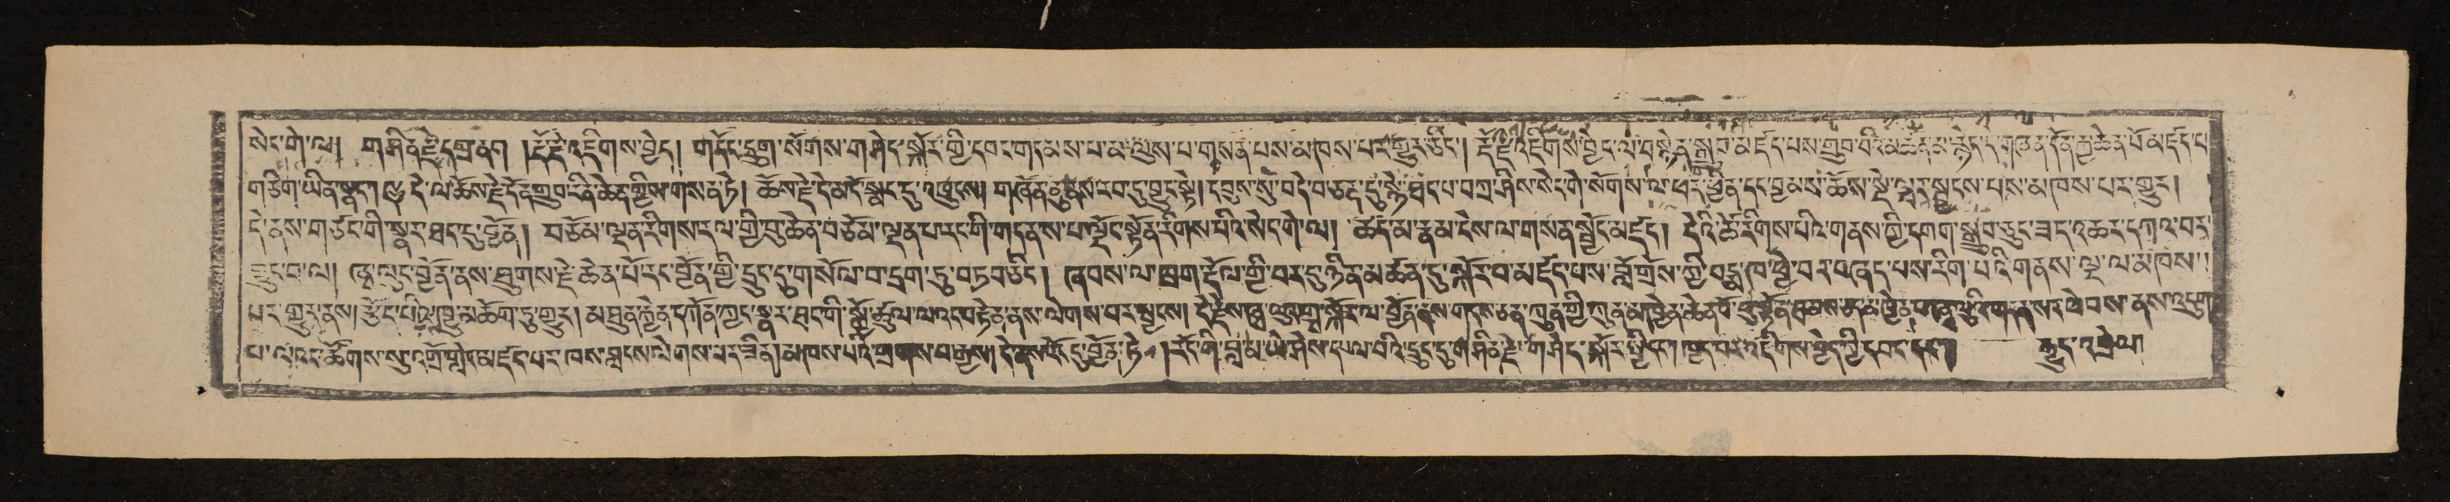སེང་གེ་ལ། གཤིན་རྗེ་དགྲ་ནག །རྡོ་རྗེ་འཇིགས་བྱེད། གདོང་དྲུག་སོགས་གཤེད་སྐོར་གྱི་དབང་གདམས་པ་མ་ལུས་པ་གསན་པས་མཁས་པར་གྱུར་ཅིང་། རྡོ་རྗེ་འཇིགས་བྱེད་ལ་བསྙེན་སྒྲུབ་མཛད་པས་གྲུབ་པའི་མཚན་མ་རྙེད་དེ་གཞན་དོན་རྒྱ་ཆེན་པོ་མཛད་
པ་གཅིག་ཡིན་སྣང་། ༈ དེ་ལ་ཆོས་རྗེ་དོན་གྲུབ་རིན་ཆེན་གྱིས་གསན་ཏེ། ཆོས་རྗེ་དེ་མདོ་སྨད་དུ་འཁྲུངས། གཞོན་ནུ་ནས་རབ་ཏུ་བྱུང་སྟེ། དབུས་སུ་བདེ་བ་ཅན་དུ་སྙེ་ཐང་བ་བཀྲ་ཤིས་སེང་གེ་སོགས་ལ་ཕར་ཕྱིན་དང་བྱམས་ཆོས་སྡེ་ལྔར་སྦྱངས་པས་
མཁས་པར་གྱུར། དེ་ནས་གཙང་གི་སྣར་ཐང་དུ་བྱོན། བཅོམ་ལྡན་རིགས་རལ་གྱི་བུ་ཆེན་བཅོམ་ལྡན་པ་རང་གི་གདན་ས་པ་ལྡོང་སྟོན་རིགས་པའི་སེང་གེ་ལ། ཚད་མ་རྣམ་ངེས་ལ་གསན་སྦྱོང་མཛད། དེའི་ཚེ་རིགས་པའི་གནས་ཀྱི་དགག་སྒྲུབ་ཅུང་ཟད་
འཆར་དཀའ་བར་བྱུང་བ་ལ། ཞྭ་ལུར་བྱོན་ནས་ཐུགས་རྗེ་ཆེན་པོ་རང་བྱོན་གྱི་དྲུང་དུ་གསོལ་བ་དྲག་ཏུ་བཏབ་ཅིང་། ཞབས་ལ་ཁྲག་རྡོལ་གྱི་བར་དུ་ཉིན་མཚན་དུ་སྐོར་བ་མཛད་པས་བློ་གྲོས་ཀྱི་པདམ་ཁ་ཕྱེ་བར་བཞད་པས་རིག་པའི་གནས་ལྔ་ལ་མཁས་པར་
གྱུར་ནས། རྩོད་པའི་ཁྱུ་མཆོག་ཏུ་གྱུར། མཐུན་རྐྱེན་དཀོན་ཀྱང་སྣར་ཐང་གི་སྐྱོ་ཚུལ་ལའང་བརྟེན་ནས་ལེགས་པར་སྦྱངས། དེ་རྗེས་ཞྭ་ལུང་གྲྭ་སྐོར་ལ་བྱོན་ནས་གངས་ཅན་ཀུན་གྱི་ཀུན་མཁྱེན་ཆེན་པོ་བུ་སྟོན་ཐམས་ཅད་མཁྱེན་པ་ཞྭ་ལུའི་གདན་སར་ཕེབས་ནས་
འདུག་པ་ལའང་ཚོགས་སུ་བགྲོ་གླེང་མཛད་པར་ཁས་བླངས་ལེགས་པར་ཟིན། མཁས་པའི་གྲགས་པ་རྒྱས། དེ་ནས་རོང་དུ་བྱོན་ཏེ། རོང་གི་བླ་མ་ཡེ་ཤེས་དཔལ་པའི་དྲུང་དུ་གཤིན་རྗེ་གཤེད་སྐོར་སྤྱི་དང་། ཁྱད་པར་འཇིགས་བྱེད་ཀྱི་དབང་དང་། རྒྱུད་འགྲེལ་